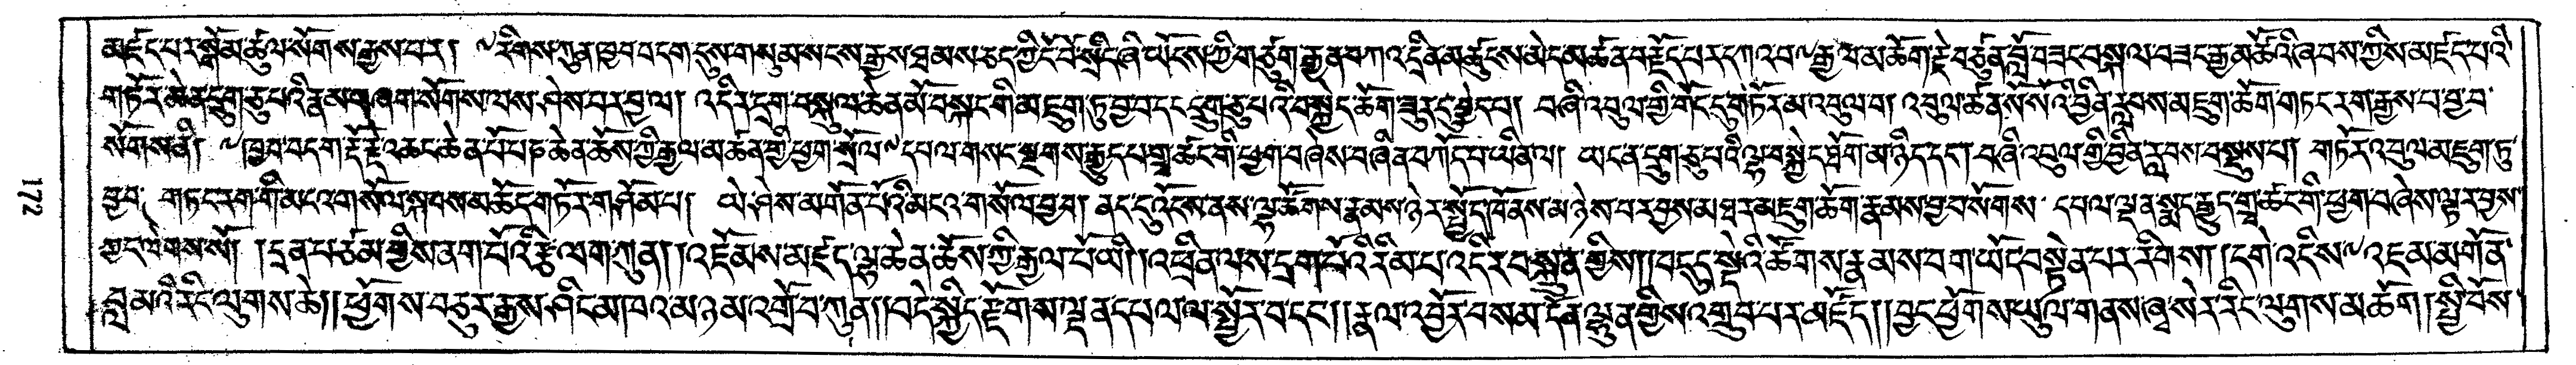མཛད་པར་སྒོམ་ཚུལ་སོགས་རྒྱས་པར། ༧རིགས་ཀུན་ཁྱབ་བདག་དུས་གསུམ་སངས་རྒྱས་ཐམས་ཅད་ཀྱི་ངོ་བོ་སྲིད་ཞི་ཡོངས་ཀྱི་གཙུག་རྒྱན་བཀའ་དྲིན་མཚུངས་མེད་མཚན་བརྗོད་པར་དཀའ་བ ༧རྒྱལ་མཆོག་རྗེ་བཙུན་བློ་བཟང་བསྐལ་བཟང་རྒྱ་མཚོའི་ཞབས་ཀྱིས་མཛད་པའི་
གཏོར་ཆེན་དྲུག་ཅུ་པའི་རྣམ་གཞག་སོགས་ལས་ཤེས་པར་བྱ་ལ། འདིར་དྲག་བསྐུལ་ཆེན་མོ་བསྐང་གི་མཇུག་ཏུ་བྱ་བ་དང་དྲུག་ཅུ་བའི་བསྐྱེད་ཆོག་ཟུར་དུ་བྱེད་པ། བཞི་འབུལ་གྱི་གོང་དུ་གཏོར་མ་འབུལ་བ། འབུལ་ཚན་སོ་སོའི་བྱིན་རླབས་མཇུག་ཆོག་གཏང་རག་རྒྱས་པ་བྱ་བ་
སོགས་ནི། ༧ཁྱབ་བདག་རྡོ་རྗེ་འཆང་ཆེན་པོ་པཎ་ཆེན་ཆོས་ཀྱི་རྒྱལ་མཚན་གྱི་ཕྱག་སྲོལ ༧དཔལ་གསང་སྔགས་རྒྱུད་པ་གྲྭ་ཚང་གི་ཕྱག་བཞེས་བཞིན་བཀོད་པ་ཡིན་ལ། ཡང་ན་དྲུག་ཅུ་པའི་ལྷ་བསྐྱེད་ཐོག་མ་ཉིད་དང་། བཞི་འབུལ་གྱི་བྱིན་རླབས་བསྡུས་པ། གཏོར་འབུལ་མཇུག་ཏུ་
བྱ་བ༑ གཏང་རག་གི་མངའ་གསོལ་སྐབས་མཆོད་གཏོར་གཤོམ་པ། ཡེ་ཤེས་མགོན་པོའི་མངའ་གསོལ་བྱ་བ། ནང་དུ་འོངས་ནས་ལྷ་ཚོགས་རྣམས་ཉེར་སྤྱོད་ཁོ་ནས་མཉེས་པར་བྱས་མཐར་མཇུག་ཆོག་རྣམས་བྱ་བ་སོགས ༧དཔལ་ལྡན་སྨད་རྒྱུད་གྲྭ་ཚང་གི་ཕྱག་བཞེས་ལྟར་བྱས་
ཀྱང་ལེགས་སོ། །དྲན་པ་ཙམ་གྱིས་ནག་པོའི་རྩ་ལག་ཀུན། །འཇོམས་མཛད་ལྷ་ཆེན་ཆོས་ཀྱི་རྒྱལ་པོ་ཡི། །འཕྲིན་ལས་དྲག་པོའི་རིམ་པ་འདིར་བསྐྲུན་གྱིས། །བདུད་སྡེའི་ཚོགས་རྣམས་བག་ཡོད་བསྟེན་པར་རིགས། །དགེ་འདིས ༧འཇམ་མགོན་
བླ་མའི་རིང་ལུགས་ཆེ། །ཕྱོགས་བཅུར་རྒྱས་ཤིང་མཁའ་མཉམ་འགྲོ་བ་ཀུན། །བདེ་སྐྱིད་རྫོགས་ལྡན་དཔལ་ལ་སྤྱོད་པ་དང་། །རྣལ་འབྱོར་བསམ་དོན་ལྷུན་གྱིས་འགྲུབ་པར་མཛོད། །བྱང་ཕྱོགས་ཡུལ་གནས་ཞྭ་སེར་རིང་ལུགས་མཆོག །སྦྱི་བོས་